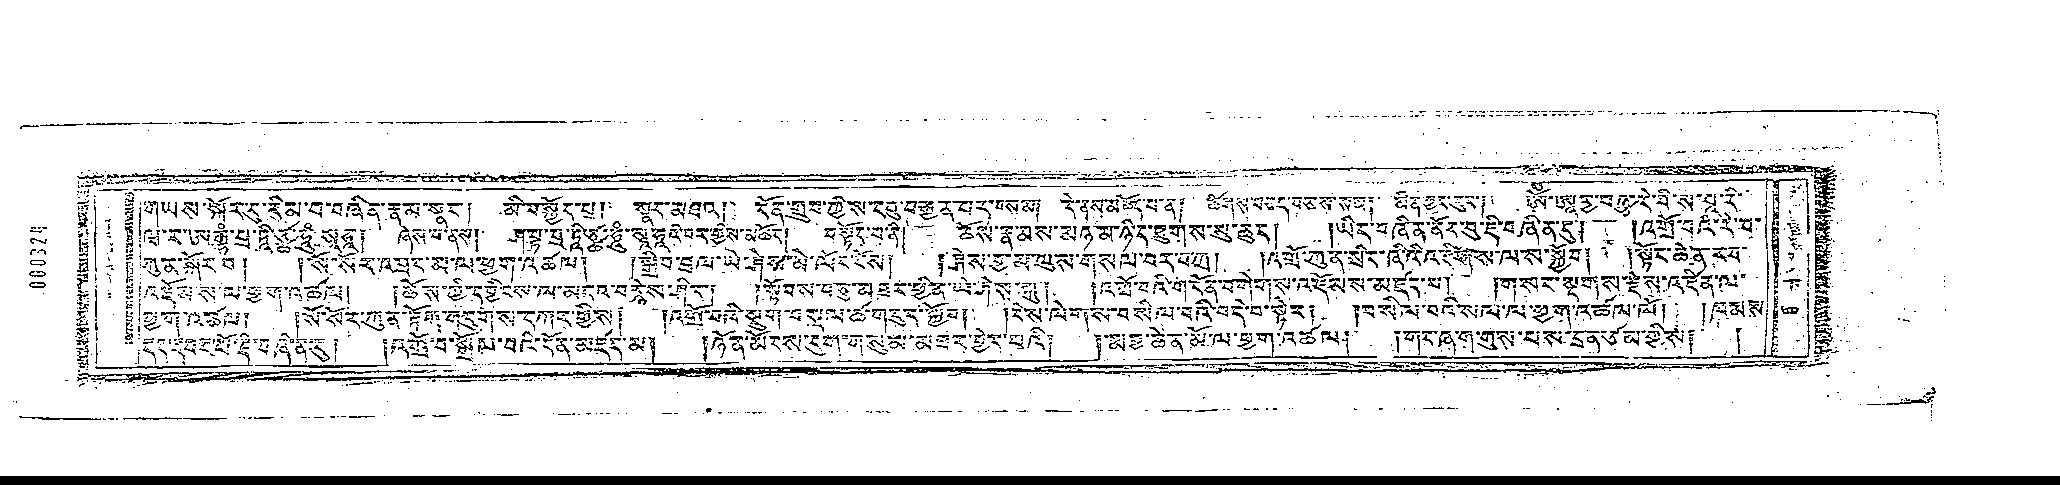གཡས་སྐོར་དུ་རིམ་པ་བཞིན་རྣམ་སྣང་། མི་བསྐྱོད་པ། སྣང་མཐའ། དོན་གྲུབ་ཀྱིས་དབུ་བརྒྱན་པར་བསམ། དེ་ནས་མཆོད་པ་ནི། ཚིགས་བཅད་བཅས་སམ། མིན་ཀྱང་རུང་། ཨོཾ་ཨཱ་རྱ་པ་ཉྩ་དེ་བི་ས་པཱ་རི་
ཝར་ཨརྒྷཾ་པྲ་ཏཱི་ཙྪ་ཧཱུཾ་སྭཱ་ཧཱ། ཞེས་པ་ནས། ཤབཏ་པྲ་ཏཱིཙྪ་ཧཱུཾ་སྭཱ་ཧཱའི་བར་གྱིས་མཆོད། བསྟོད་པ་ནི། ཆོས་རྣམས་མཉམ་ཉིད་ཐུགས་སུ་ཆུང་། ཡིད་བཞིན་ནོར་བུ་ཇི་བཞིན་དུ། །འགྲོ་བའི་རེ་བ་
ཀུན་སྐོང་བ། །སོ་སོར་འབྲང་མ་ལ་ཕྱག་འཚལ། །སྒྲིབ་བྲལ་ཡེ་ཤེས་མེ་ལོང་དོས། །ཤེས་བྱ་མ་ལུས་གསལ་བར་བཀྲ། །འགྲོ་ཀུན་སྲིད་ཞིའི་འཇིགས་ལས་སྐྱོབ། །སྟོད་ཆེན་རབ་
འཇོམས་ལ་ཕྱག་འཚལ། །ཆོས་ཀྱི་དབྱིངས་ལ་མངའ་བརྙེས་ཤིང་། །སྟོབས་བཅུ་མཐར་ཕྱིན་ཡེ་ཤེས་སྐུ། །འགྲོ་བའི་གདོན་བགེགས་འཇོམས་མཛད་པ། །གསང་སྔགས་རྗེས་འཛིན་ལ་
ཕྱག་འཚལ། །སོ་སོར་ཀུན་རྟོག་གདུགས་དཀར་གྱིས། །འགྲོ་བའི་སྡུག་བསྔལ་ཚ་གདུང་སྐྱོབ། །དེས་ལེགས་བསིལ་བའི་བདེ་བ་སྟེར། །བསིལ་བའི་ཚལ་ལ་ཕྱག་འཚལ་ལོ། །ཁམས་
དང་དབང་པོ་ཇི་བཞིན་དུ། །འགྲོ་བ་སྒྲོལ་པའི་དོན་མཛད་མ། །ཉོན་མོངས་དུག་གསུམ་མཐར་བྱེད་པའི། །རྨ་བྱ་ཆེན་མོ་ལ་ཕྱག་འཚལ། །གང་ཞིག་གུས་པས་དྲན་ཙམ་གྱིས། །